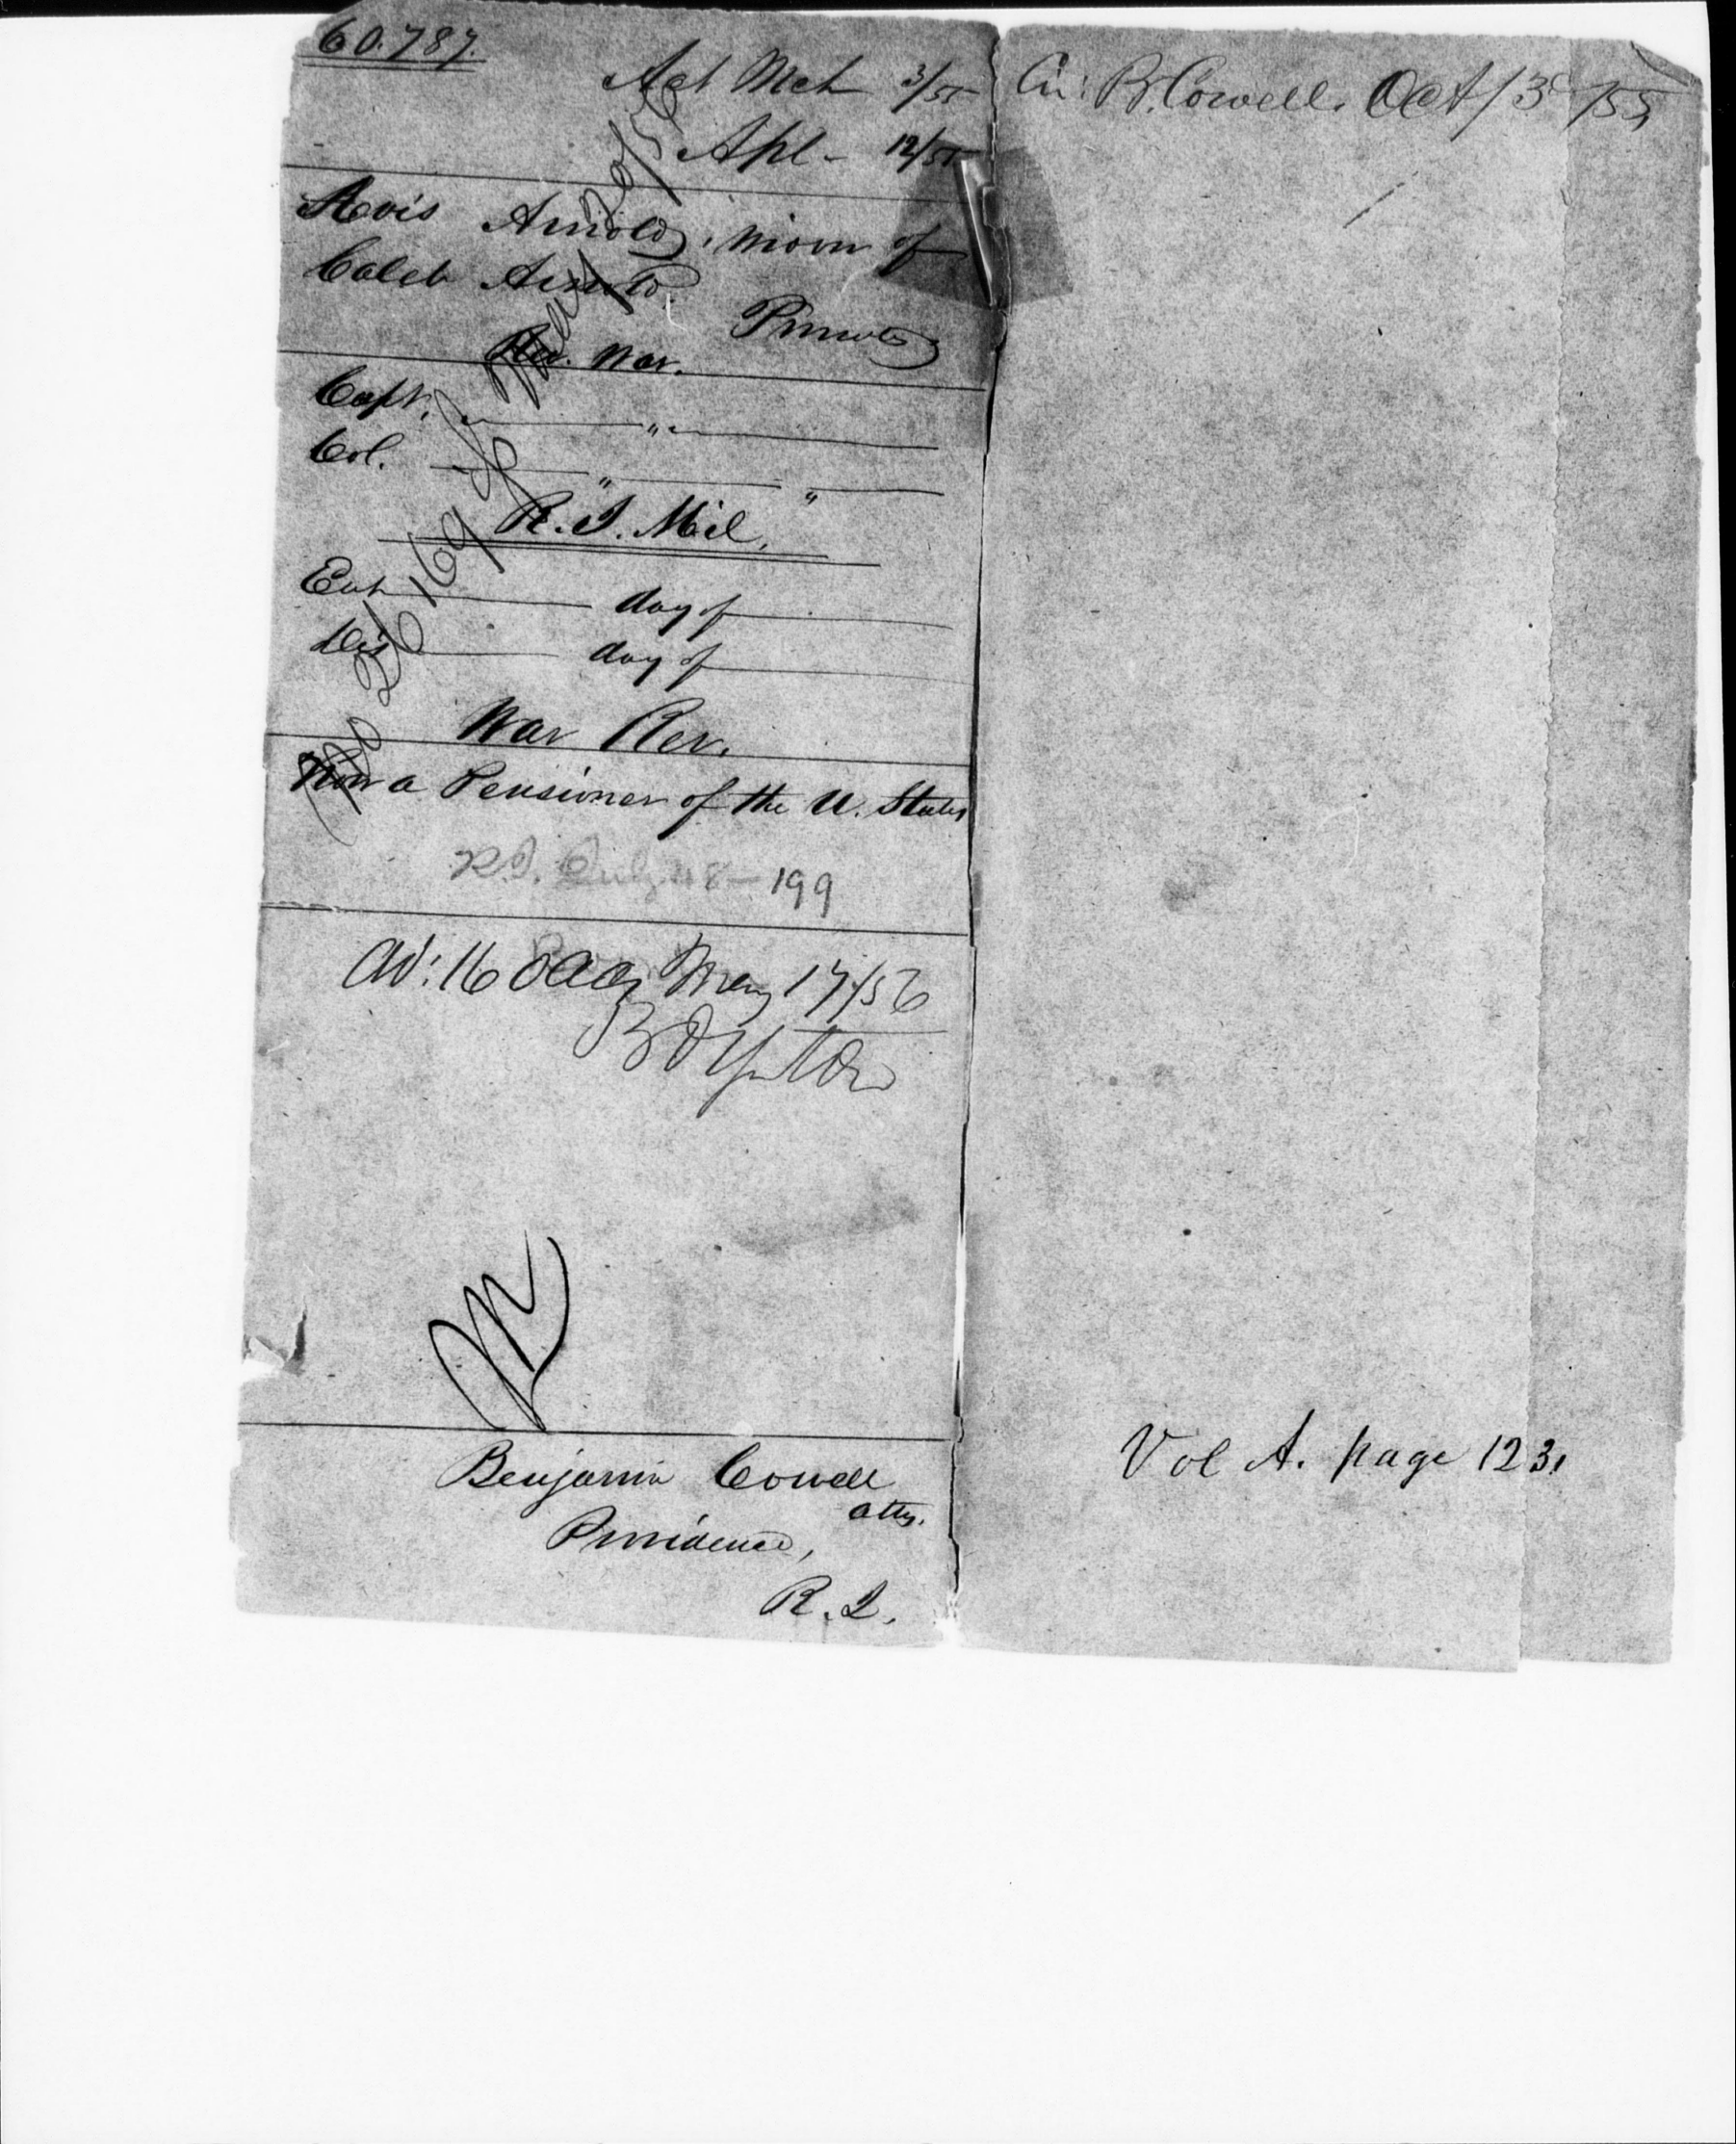60787. Act [illegible] 3/55 An B. Cowell. Oct / 3 / 55
Apl. 12/55
Avis Arnold widow of Caleb Arnold Private
[illegible] Nov.
Capt. _____, ______
Col. _______, ________, _______
R.I. Mil.
[illegible] ______ day of _____
[illegible] ____day of ____
War Rev.
Now a Pensioner of the [illegible] Statute
R.I. July 48 [very faint] - 199
[illegible] : 16 day May 17 /56
[illegible signature]
[signed initial illegible]
Benjamin Cowell Atty.
Providence, R.I. 
Vol A. page 123.

[note written at a diagonal across the page starting half way up the left side to right] No 26169 [illegible] May 2 of 56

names: Caleb Arnold, Boynton, B Cowell, Avis Arnold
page: 14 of 29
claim: widow's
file: W. 2582, Caleb Arnold, R.I.